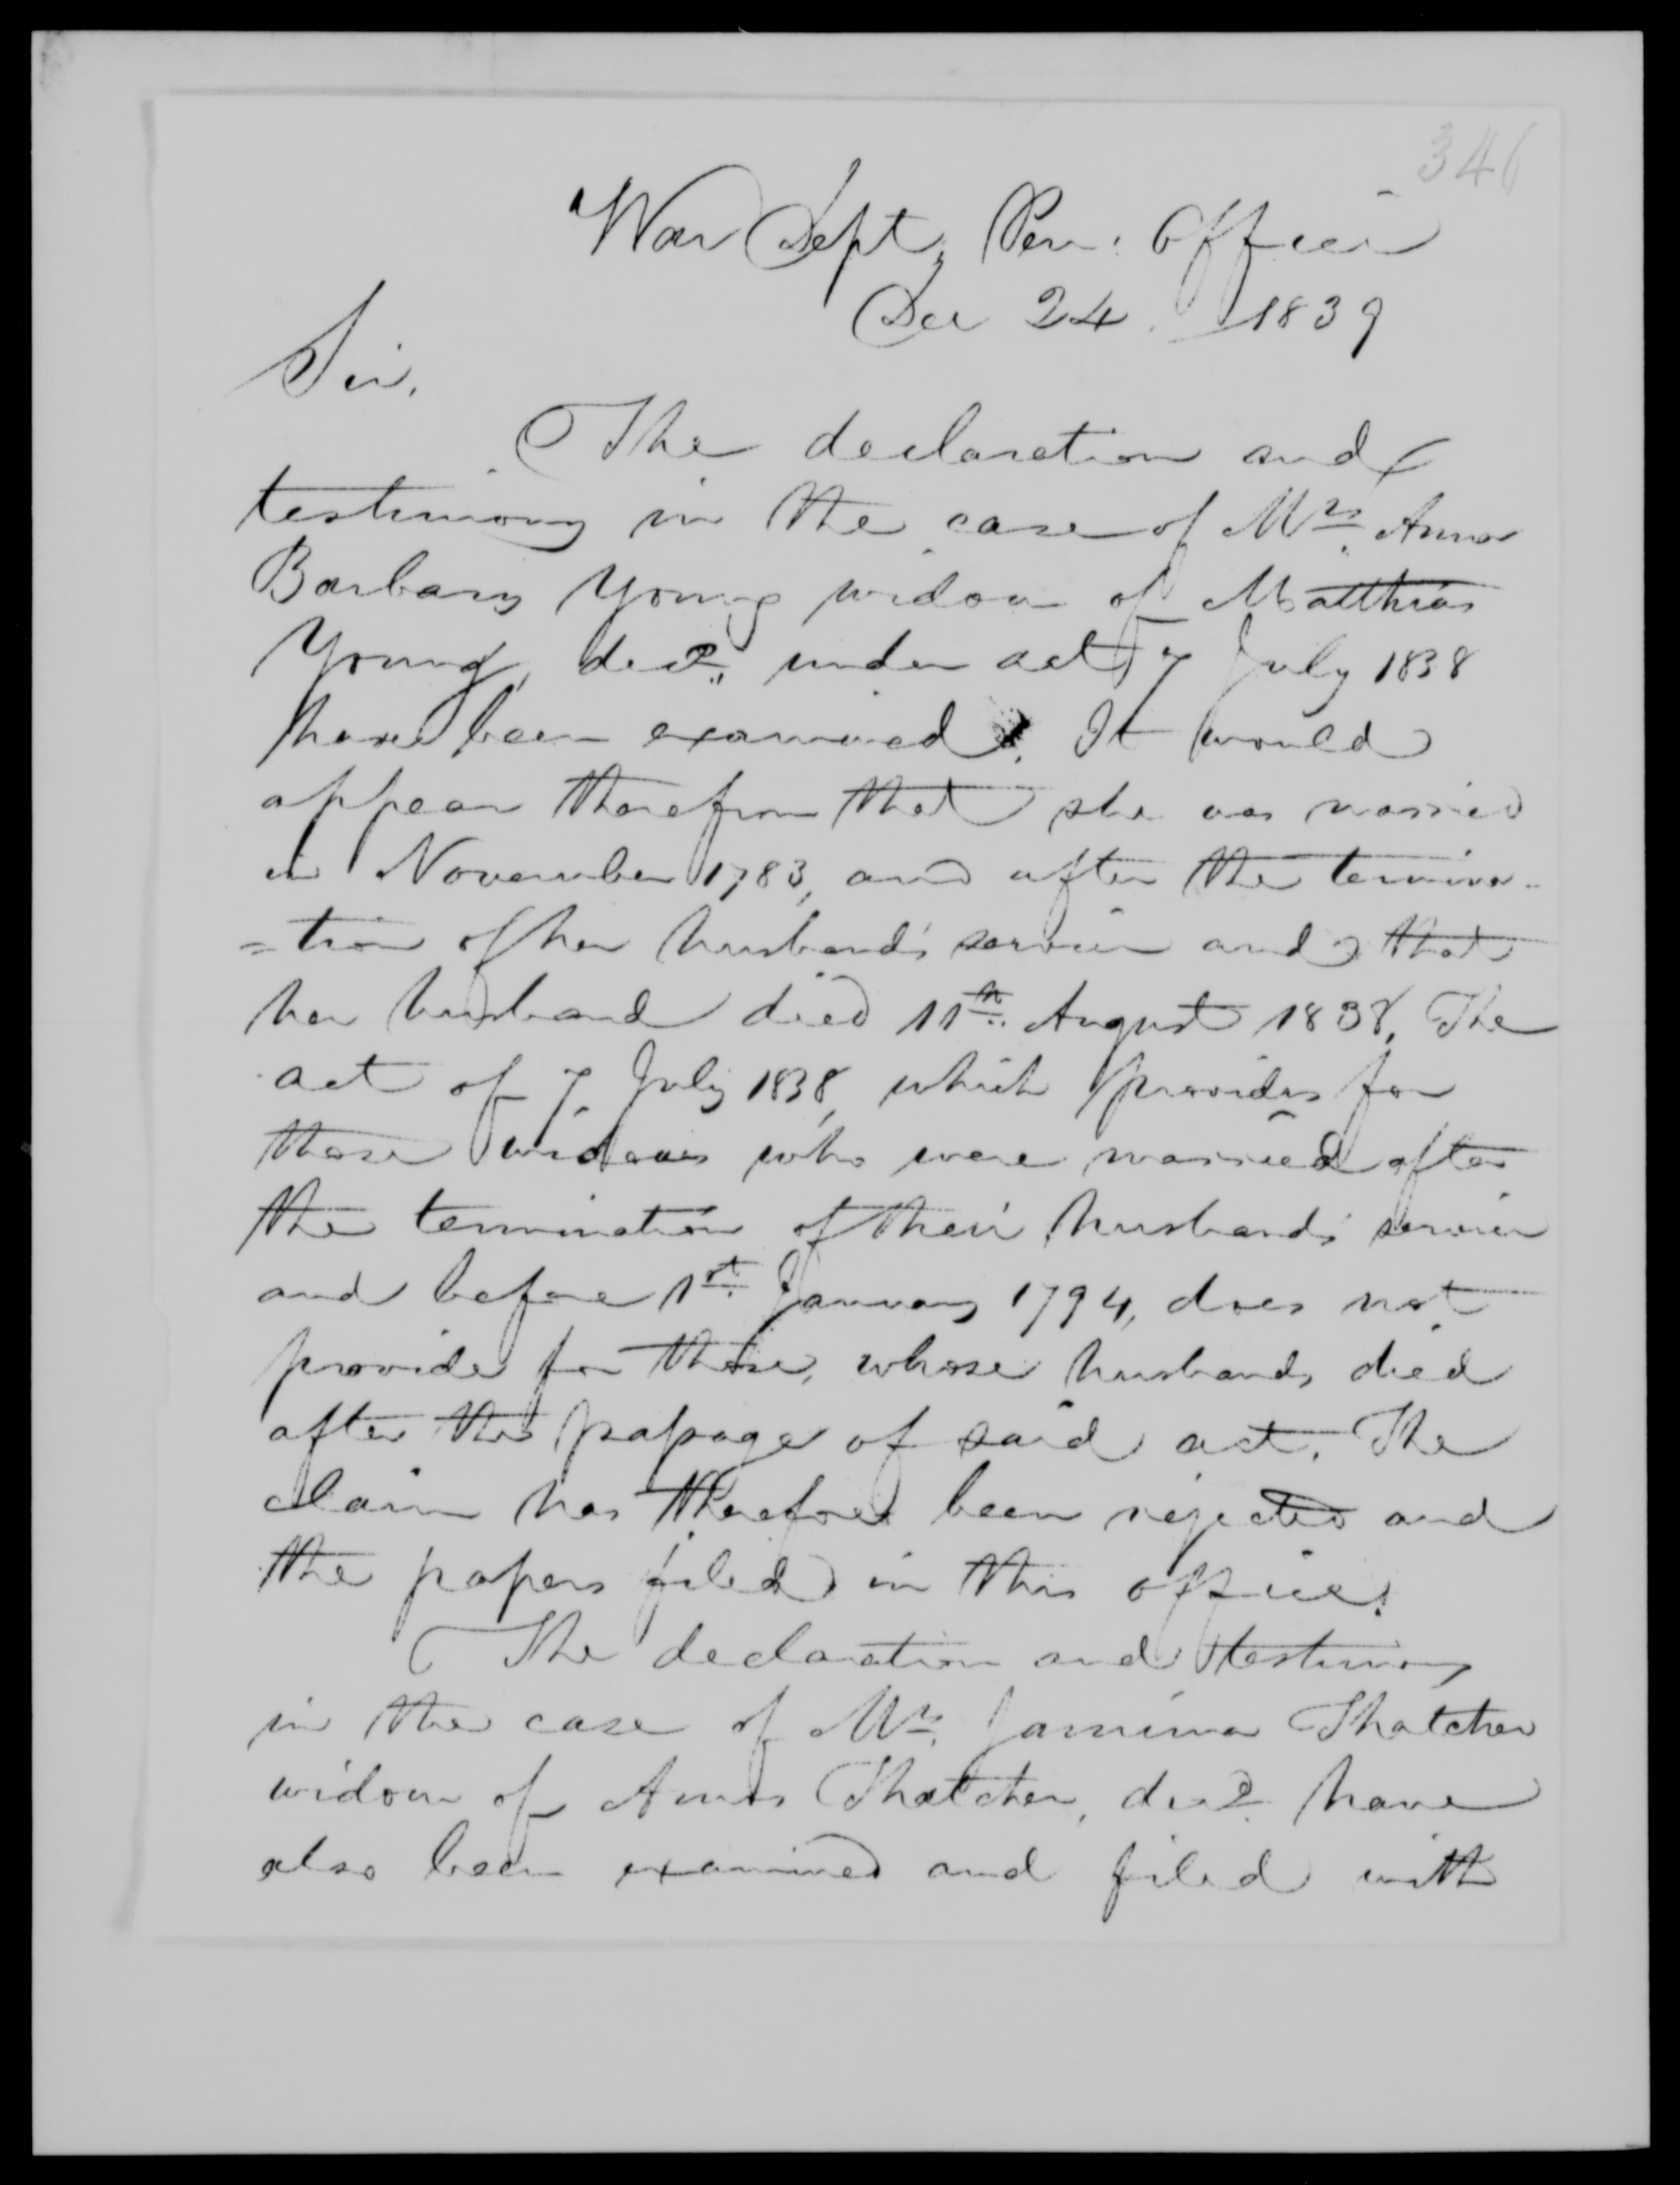346
War Dept. Pen Office
Dec 24 1839
Sir
The declaration and
testimony in the case of Mrs Anne
Barbary Young widow of Matthias
Young dec’d under act 7 July 1838
has been examined. It would
appear therefrom that she was married
in November 1783, and after the termination
 of her husband’s service and that
her husband died 11th August 1838. The 
act of July 1838, which provides for
those widows who were married after
the termination of their husbands service
and before 1st January 1794, does not
provide for those, whose husband died
after the passage of said act. The
claim has therefore been rejected and
the papers filed in this office.
The declaration and testimony
in the case of Mrs Jemima Thatcher
widow of Amos Thatcher dec’d have
also been examined and filed with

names: Jamima Thatcher, Anna Barbary Young, Amos Thatcher, Matthias Young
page: 75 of 123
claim: rejected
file: R. 11,949, Matthias Young, Md.